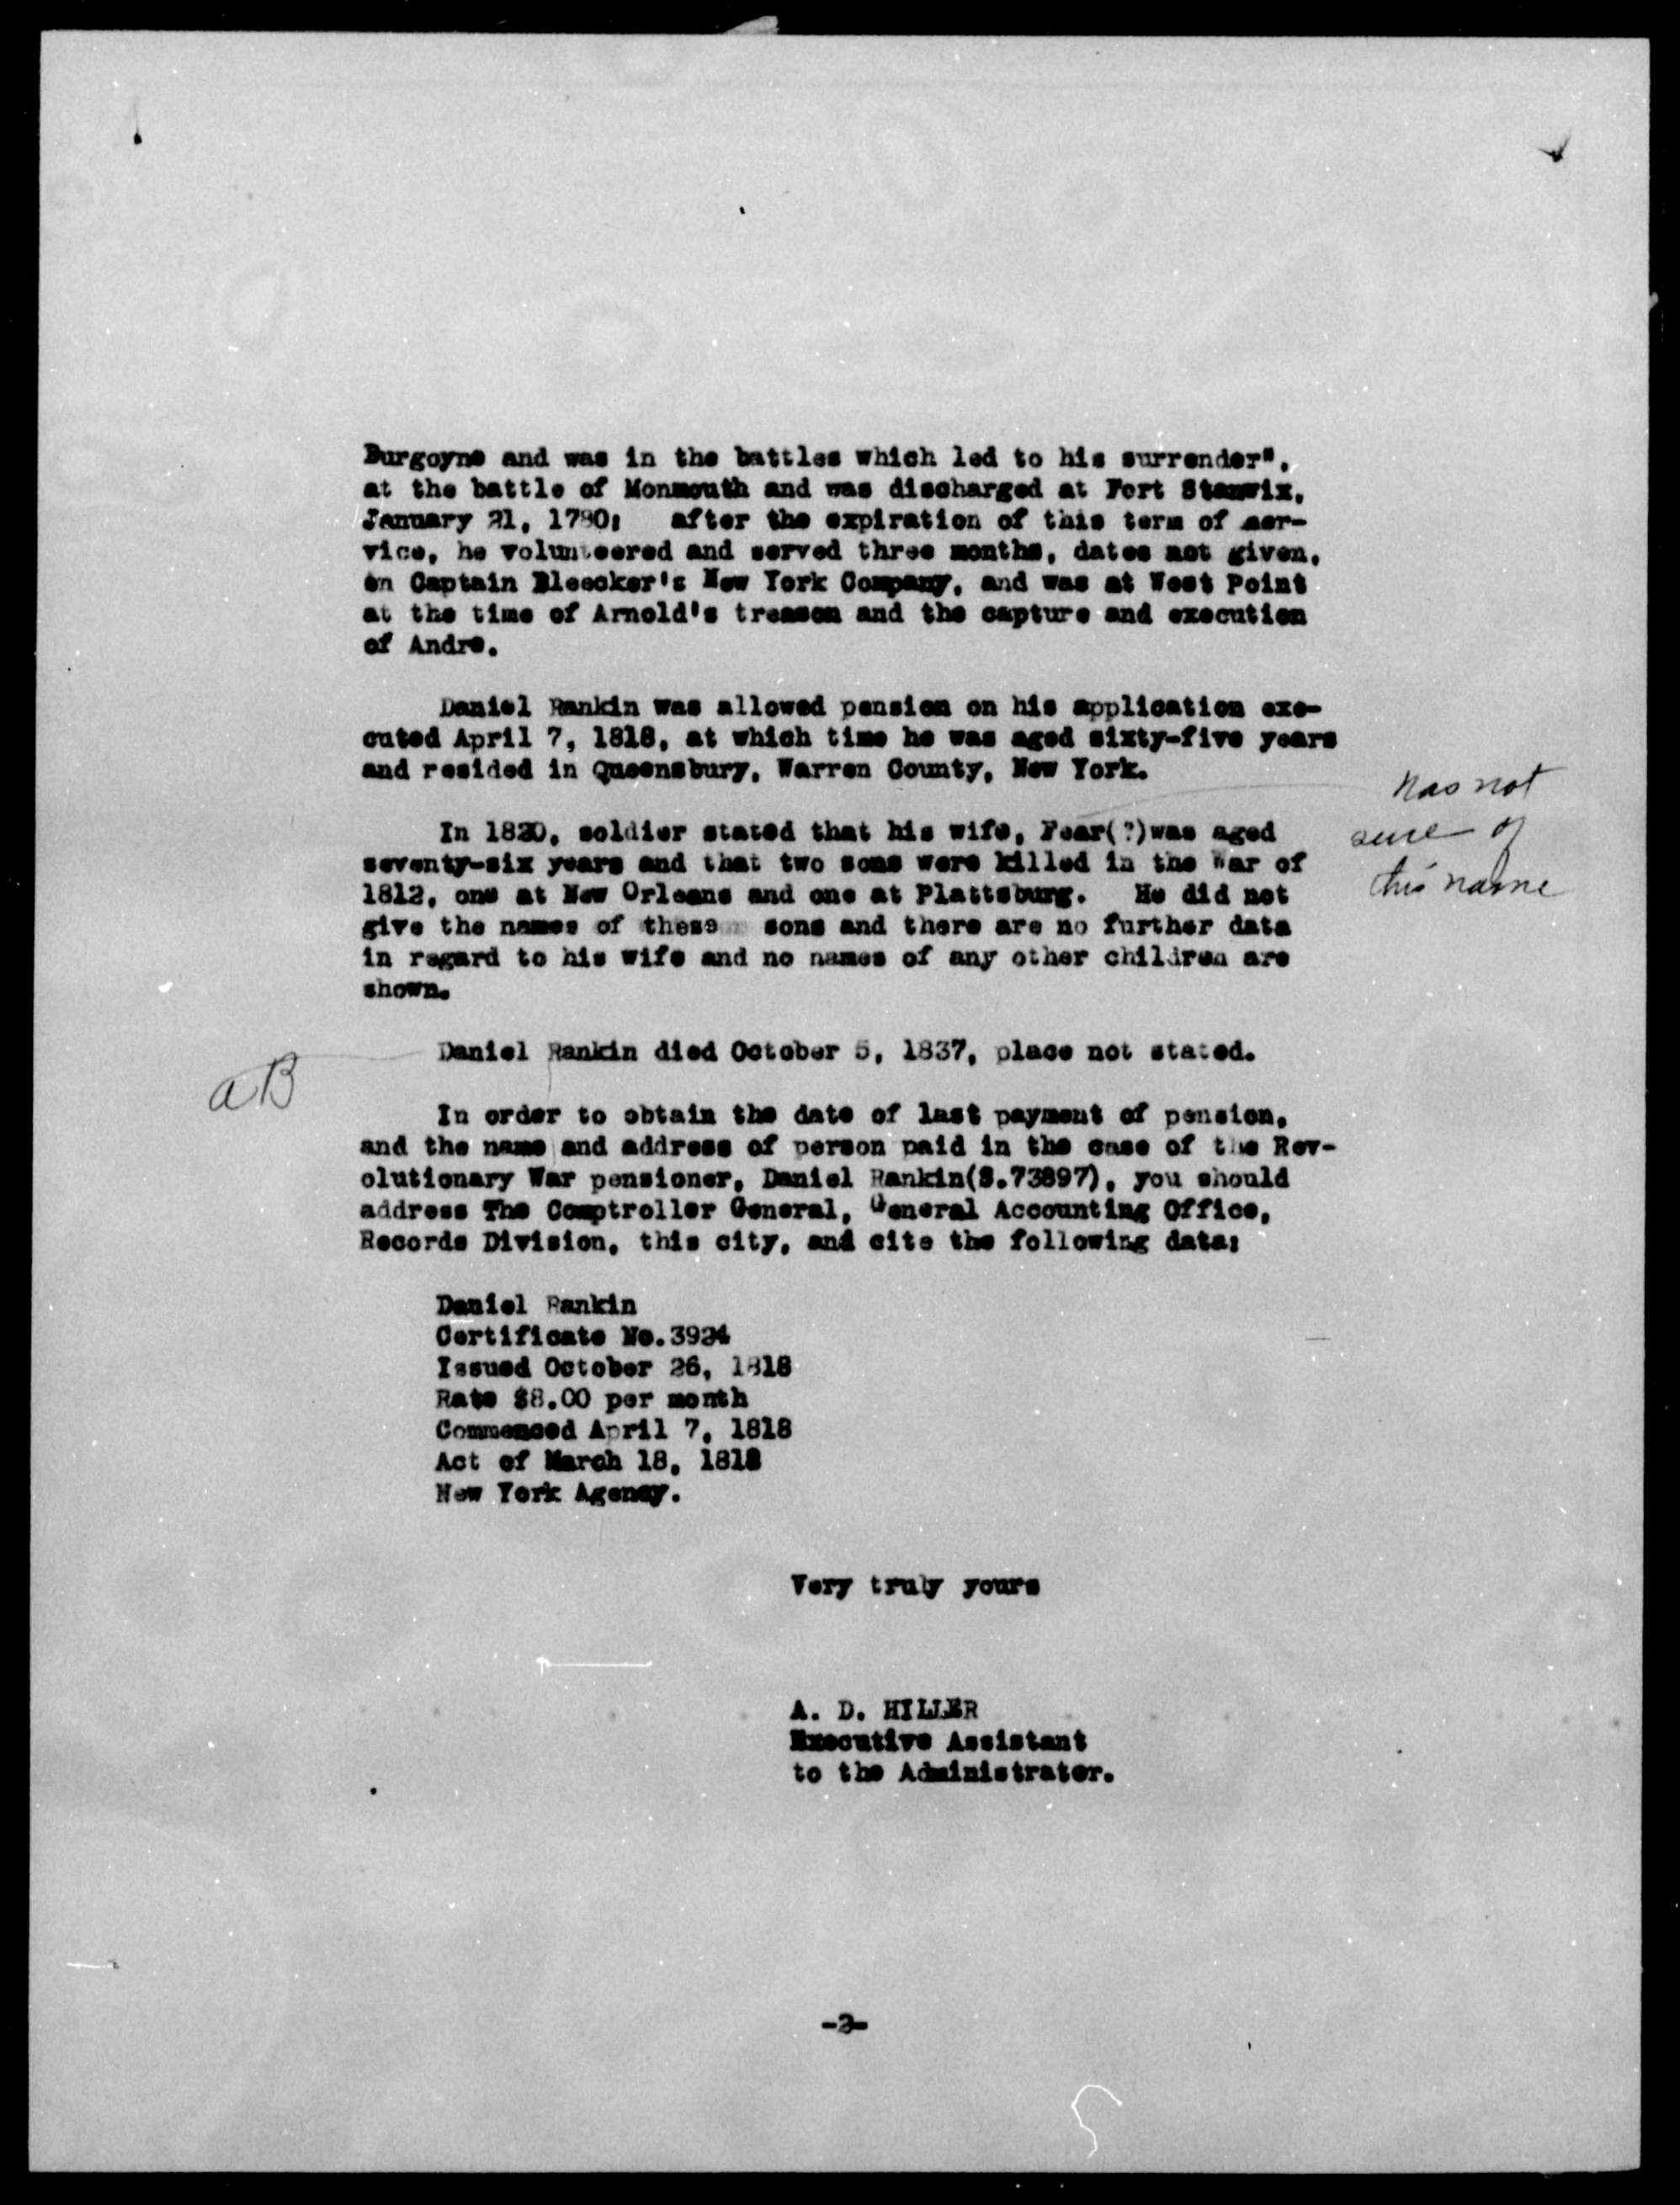Burgoyne and was in the battles which led to his surrender" at the battle of Monmouth and was discharged at Fort Stanwiz, January 31, 1790; after the expiration of this term of service, he volunteered and served three months, dates not given, on Captain Bleecker's New York Company, and was at West Point at the time of Arnold's treason and the capture and execution of Andre. 

Daniel Rankin was allowed pension on his application executed April 7, 1818, at which time he was aged sixty-five years and resided in Queensbury, Warren County, New York. 

In 1820, soldier stated that his wife, Fear (?) was aged seventy-six years and that two sons were killed in the War of 1812, one at New Orleans and one at Plattsburg. He did not give the names of these sons and there are no further data in regard to his wife and no names of any other children are shown. 

Daniel Rankin died October 5, 1837, place not stated. 

In order to obtain the date of last payment of pension, and the name and address of person paid in the case of the Revolutionary War pensioner, Daniel Rankin (S.73897), you should address The Comptroller General, General Accounting Office, Records Division, this city, and cite the following data;

Daniel Rankin
Certificate No. 3924
Issued October 26, 1818
Rate $8.00 per month
Commenced April 7, 1818
Act of March 18, 1818
New York Agency

Very truly yours

A. D. Hiller
Executive Assistant
to the Administrator

-2-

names: Daniel Rankin; Daniel Rankin; Daniel Rankin; [BLANK] Burgoyne; A D Hiller; Daniel Rankin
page: 16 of 27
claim: survivor's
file: S. 43897, for Daniel Rankin, New York